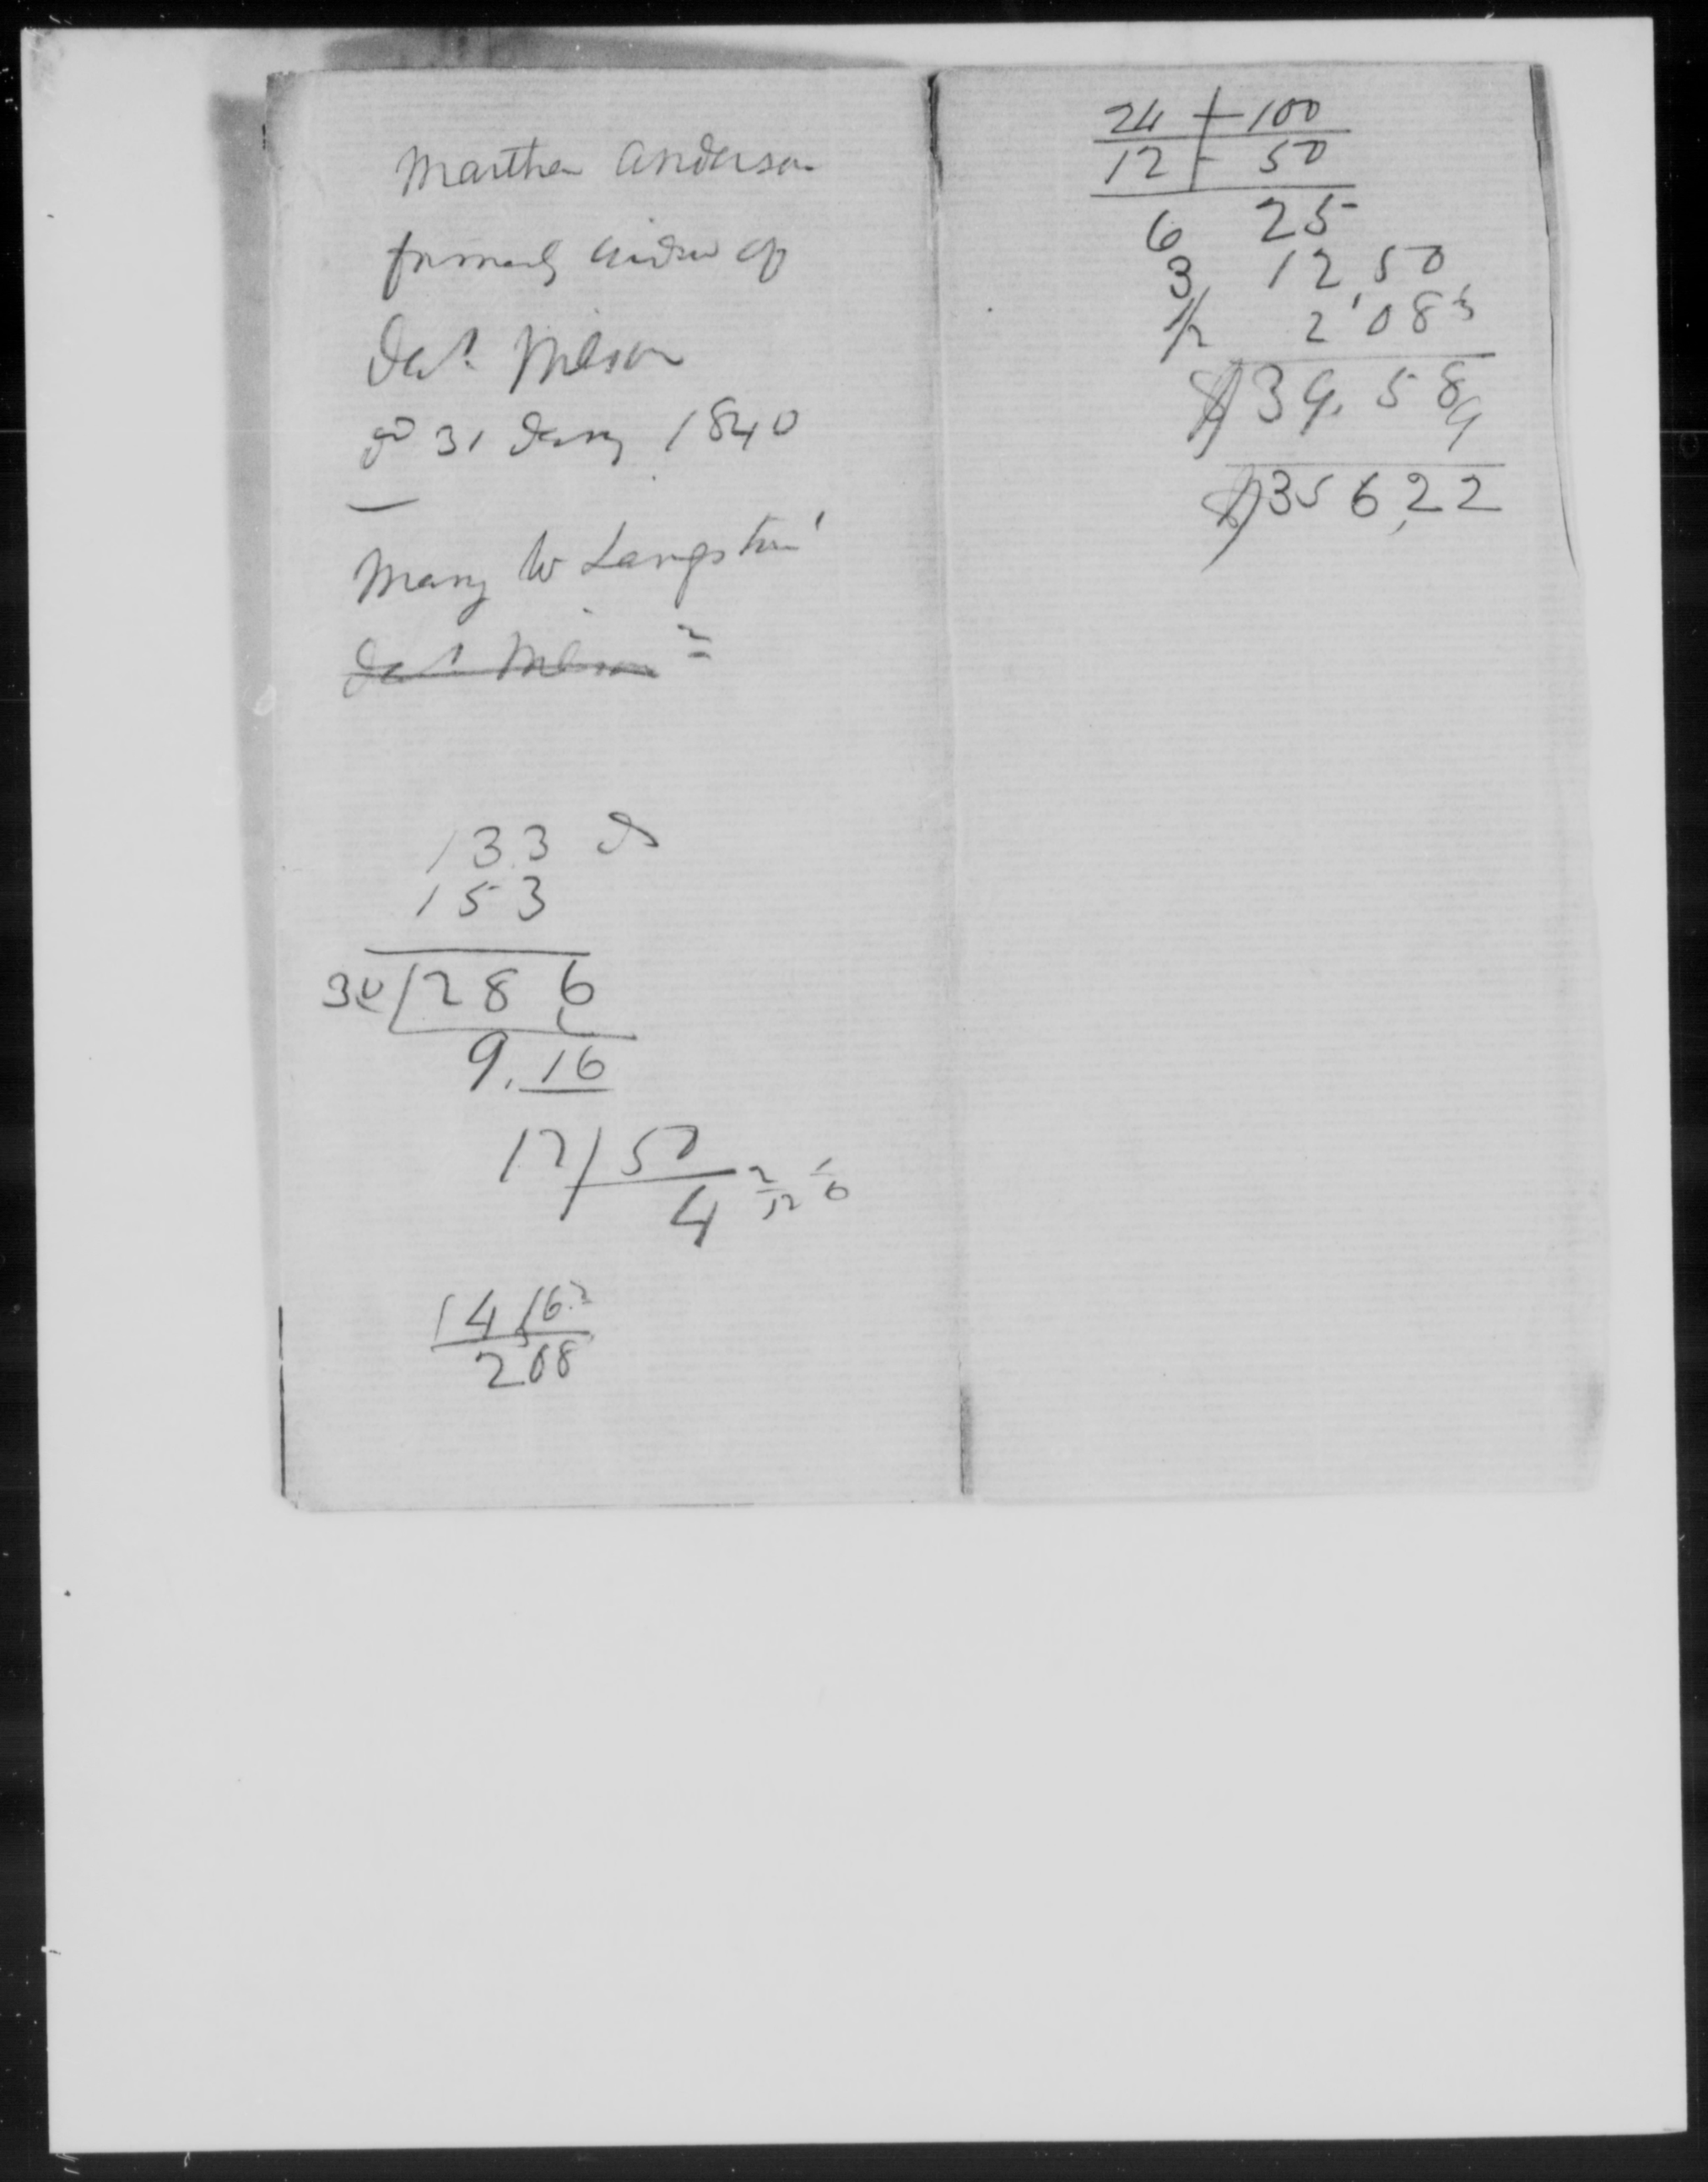[left side of page]
Martha Anderson
formerly widow of 
Jas Wilson
dd 31 Jany 1840
Mary W Langston
Jas Wilson 2 [name marked through]

133 d
153
-------
286 [divided by]
30
9.16
17/58
4 2/12 1/6
416
288


[right side of page]
24 -- 100
12 --   50
6         25
3         1250
1/2       208
------------------
$39.58
        9
---------
$356.22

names: Jas Wilson, Mary W Langston, Martha Anderson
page: 15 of 18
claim: rejected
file: R. 195, James Wilson, S. C.